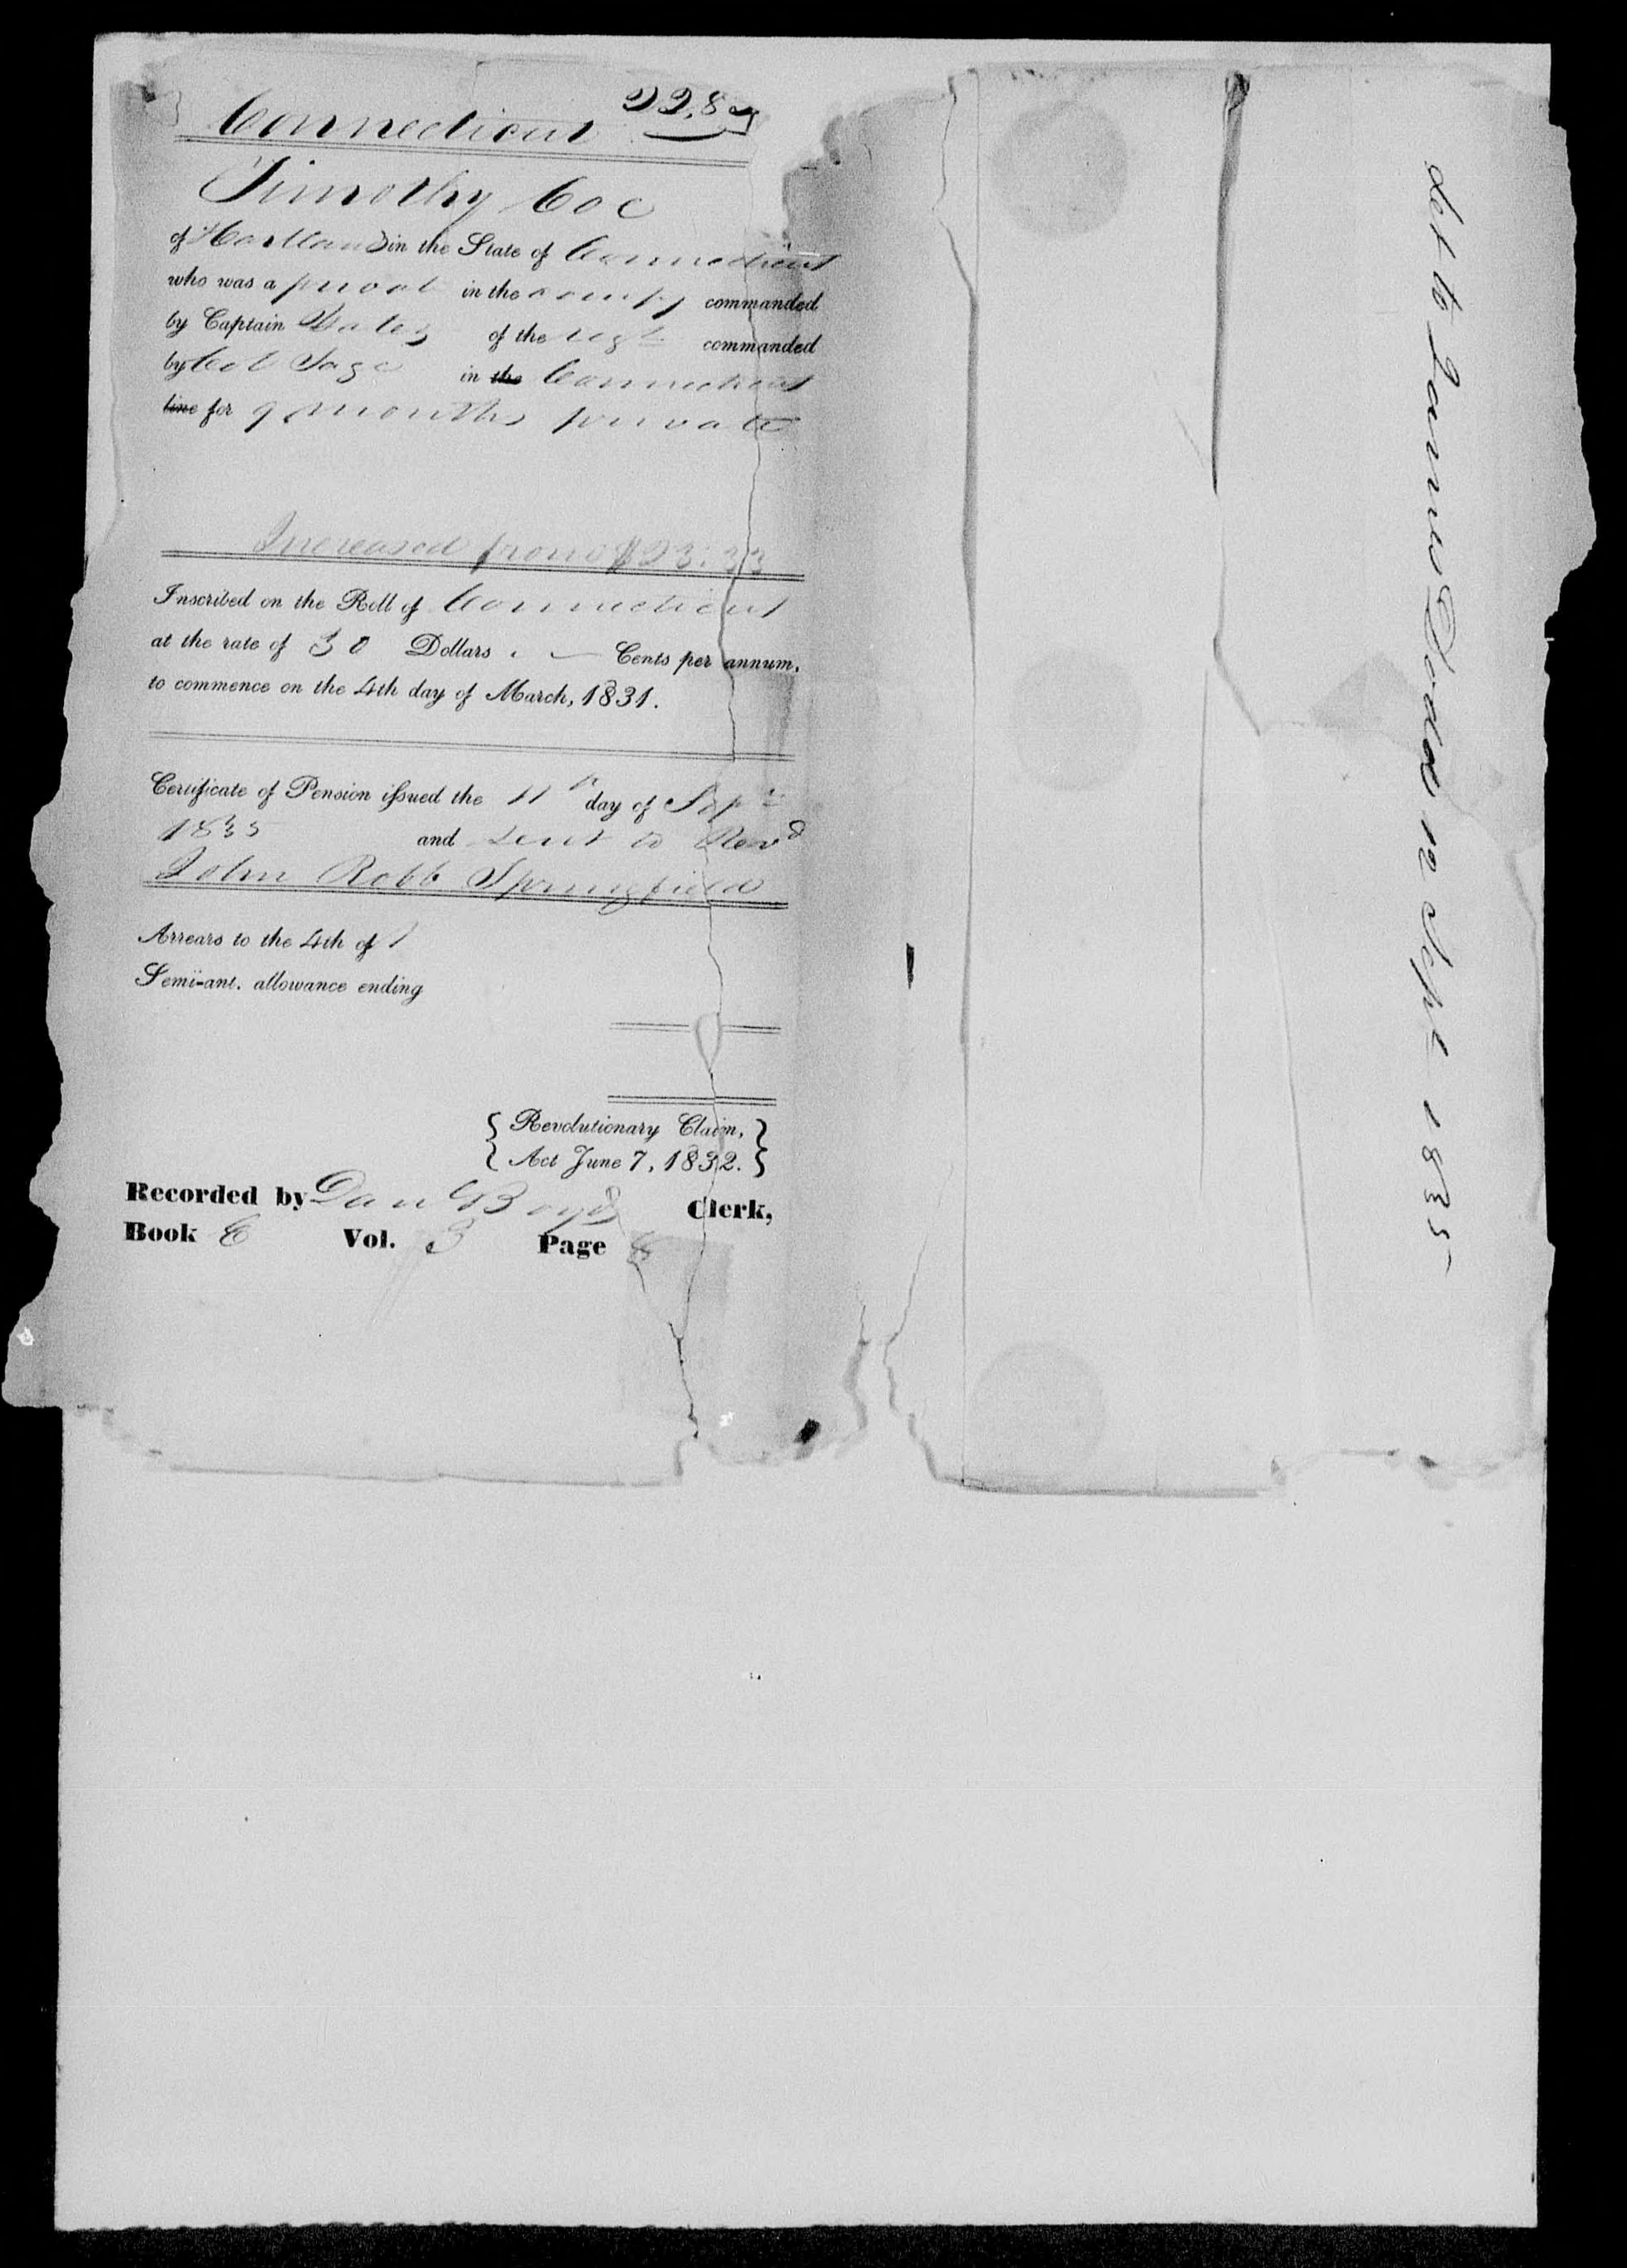Connecticut 22.8
Timothy Coe
of Hartland in the State of Connecticut
who was a private in the [illegible] commanded
by Captain Bates of the Reg 2 commanded
by Col Chase in the Connecticut
line for [illegible] private
Increased from $23:33
Inscribed on the Roll of Connecticut
at the rate of 30 Dollars, ----- Cents per annum
to commence on the 4th day of March, 1831.
Certificate of pension issued the 11th day of Sep 1835 and sent to Revd John Robb Springfield
Arrears to the 4th of 
Semi-ant allowance ending
Revolutionary Claim, Act June 7, 1832
Recorded by Dan Boyd Clerk, Book E Vol 3 Page 8
Let to James Dodd 12 Sep 1835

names: James Dodd, Sage, John Robb, Bates, Dan Boyd, Timothy Coe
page: 2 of 76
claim: widow's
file: W. 5,250, Timothy Coe, Conn.